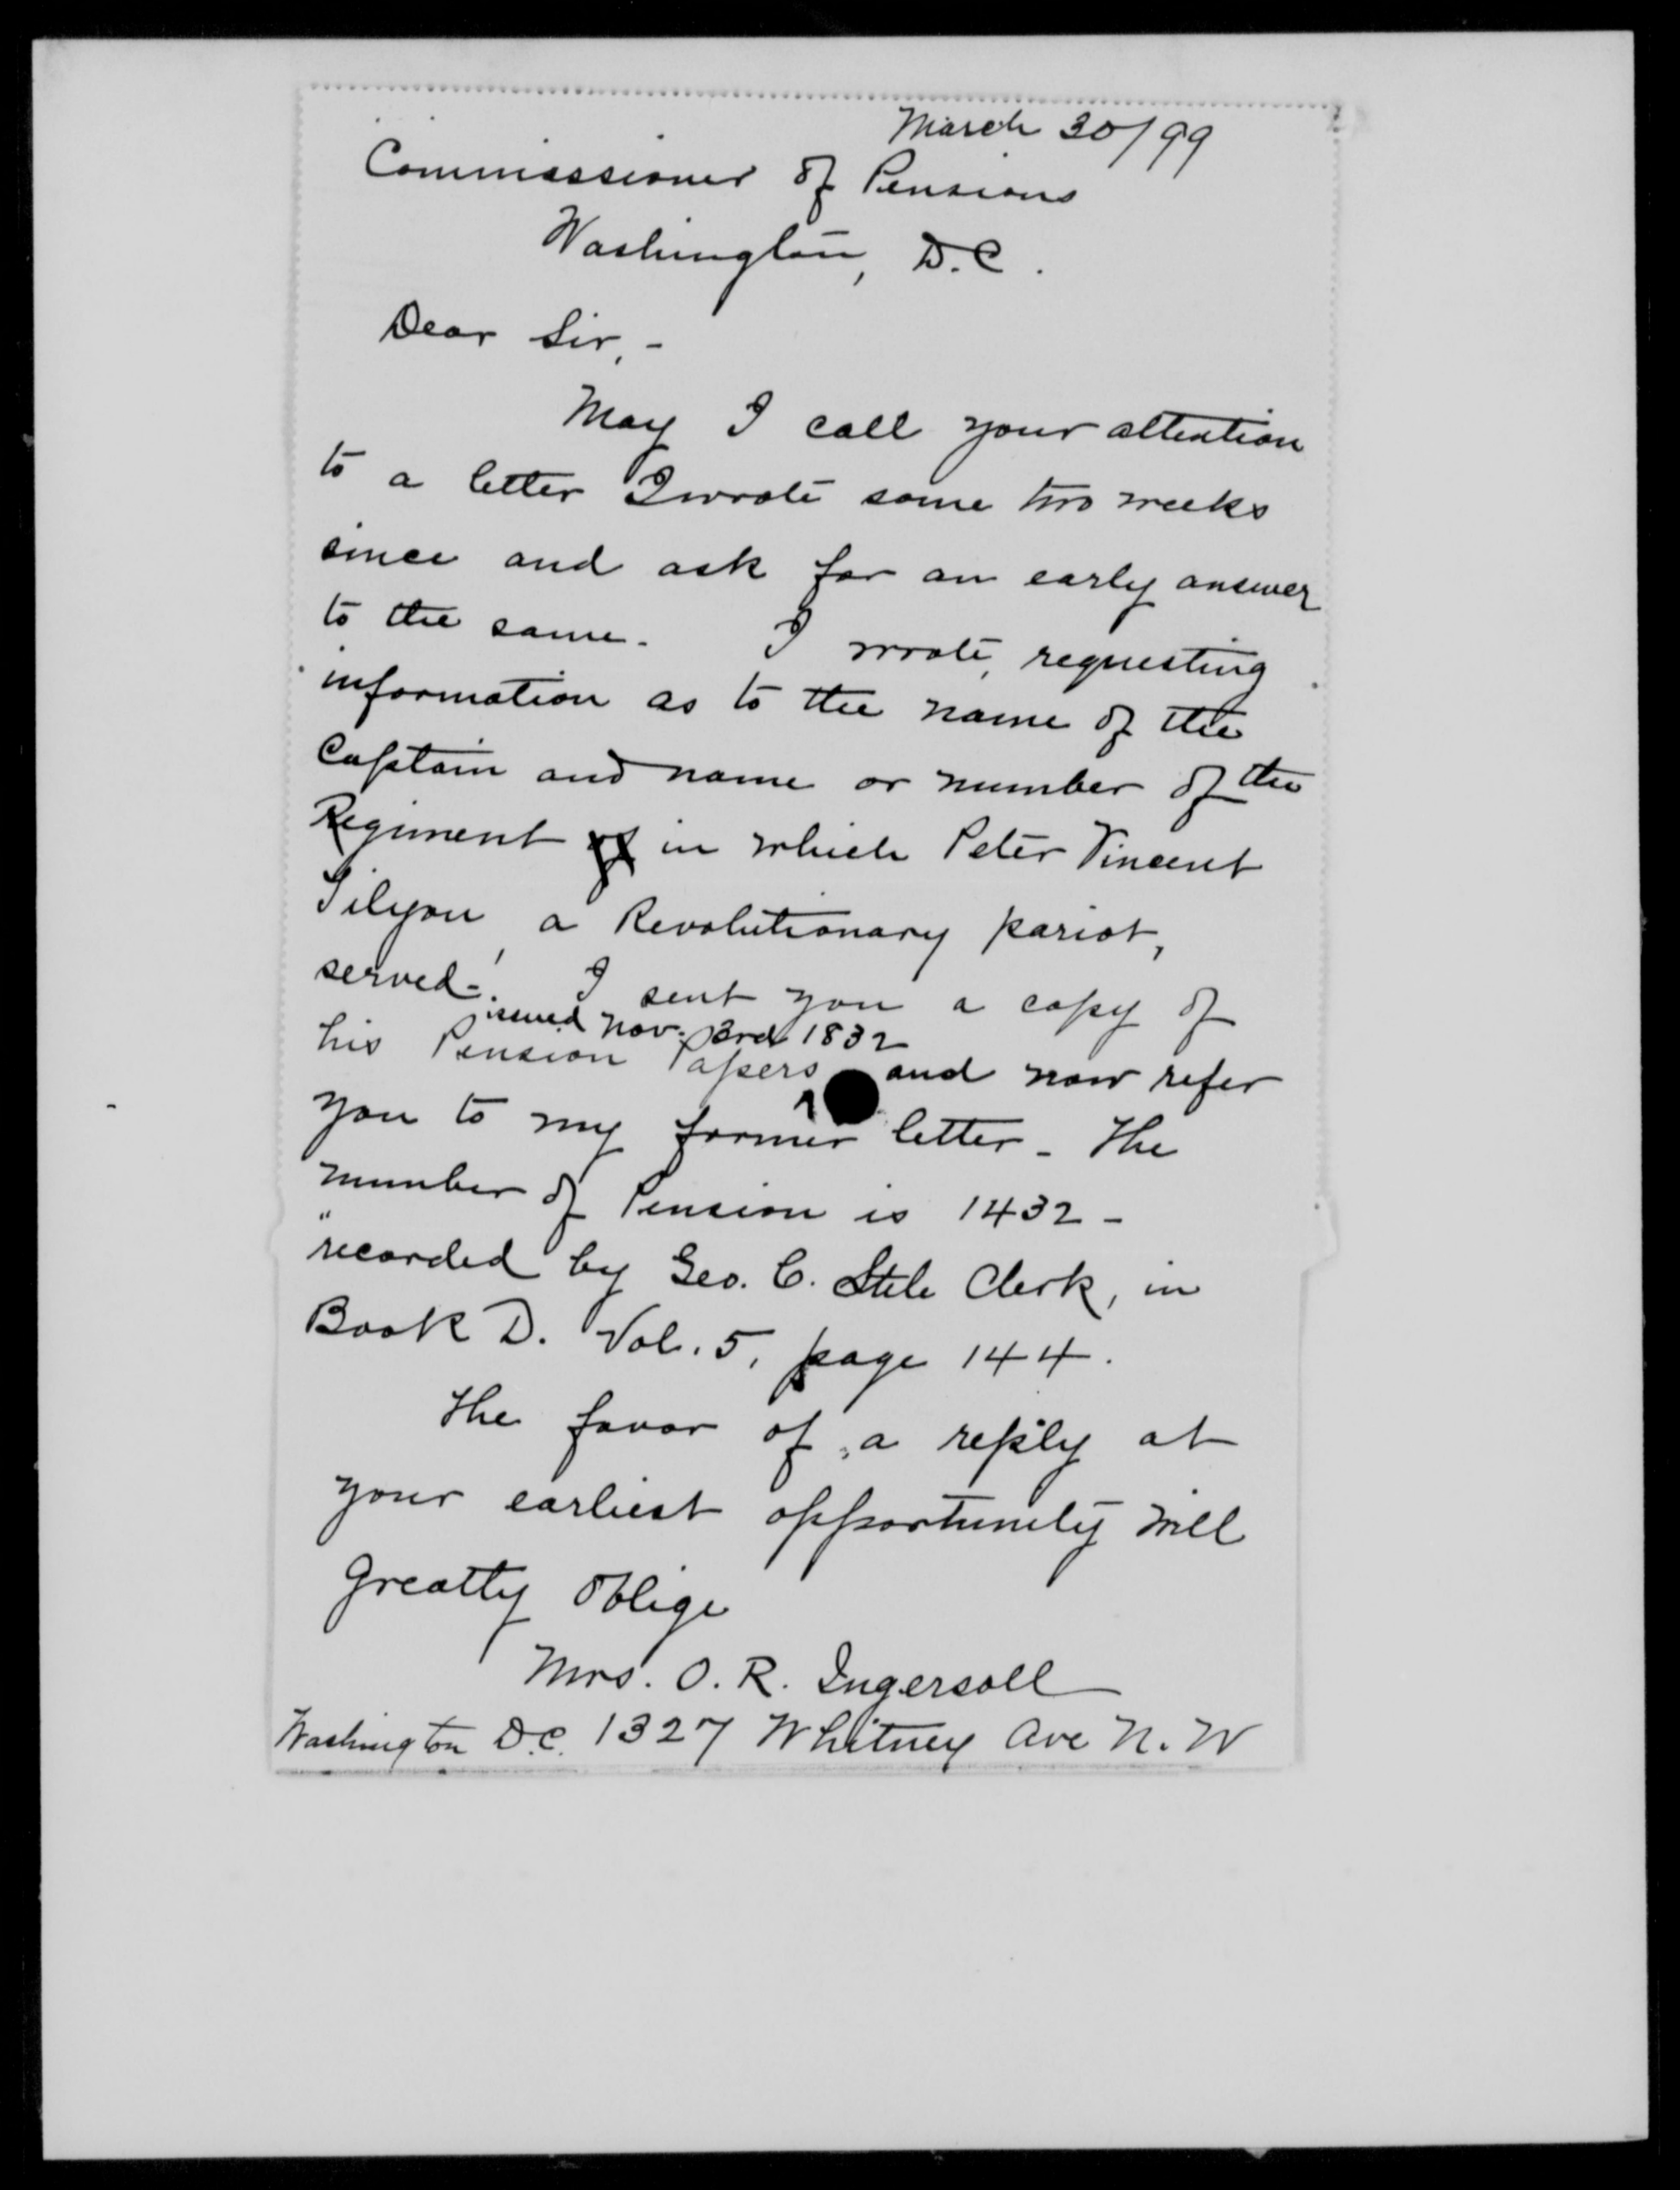March 30//99
Commissioner of Pensions
Washington, D.C.
Dear Sir, -
  May I call your attention to a letter I wrote some two weeks since and ask for an early answer to the same. I wrote requesting information as to the name of the Captain and name or number of the Regiment in which Peter Vincent Tilyou, a Revolutionary patriot, served. I sent you a copy of his Pension Papers ^ issued Nov 3rd 1832 and now refer you to my former letter - The number of Pension is 1432 - "recorded by Geo. C. Stile Clerk, in Book D. Vol. 5. page 144.
  The favor of a reply at your earliest opportunity will greatly oblige.
  Mrs. O. R. Ingersoll
1327 Whitney Ave. N.W.
Washington D.C.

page: 46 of 101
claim: widow's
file: W. 25481, for Peter V Tilyou, New Jersey